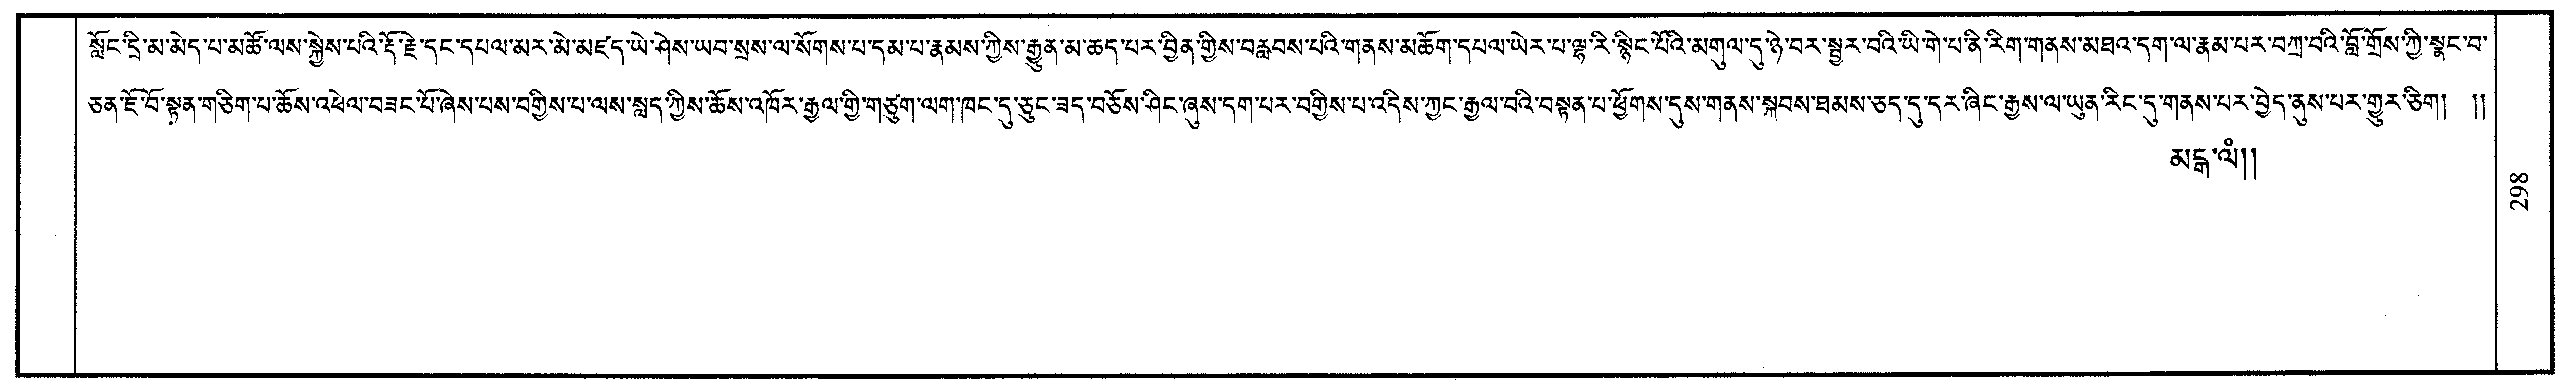སློང་དྲི་མ་མེད་པ་མཚོ་ལས་སྐྱེས་པའི་རྡོ་རྗེ་དང་དཔལ་མར་མེ་མཛད་ཡེ་ཤེས་ཡབ་སྲས་ལ་སོགས་པ་དམ་པ་རྣམས་ཀྱིས་རྒྱུན་མ་ཆད་པར་བྱིན་གྱིས་བརླབས་པའི་གནས་མཆོག་དཔལ་ཡེར་པ་ལྷ་རི་སྙིང་པོའི་མགུལ་དུ་ཉེ་བར་སྦྱར་བའི་ཡི་གེ་པ་ནི་རིག་གནས་མཐའ་དག་ལ་རྣམ་པར་བཀྲ་བའི་བློ་གྲོས་ཀྱི་སྣང་བ་
ཅན་ཇོ་བོ་སྟན་གཅིག་པ་ཆོས་འཕེལ་བཟང་པོ་ཞེས་པས་བགྱིས་པ་ལས་སླད་ཀྱིས་ཆོས་འཁོར་རྒྱལ་གྱི་གཙུག་ལག་ཁང་དུ་ཅུང་ཟད་བཅོས་ཤིང་ཞུས་དག་པར་བགྱིས་པ་འདིས་ཀྱང་རྒྱལ་བའི་བསྟན་པ་ཕྱོགས་དུས་གནས་སྐབས་ཐམས་ཅད་དུ་དར་ཞིང་རྒྱས་ལ་ཡུན་རིང་དུ་གནས་པར་བྱེད་ནུས་པར་གྱུར་ཅིག། །
མངྒ་ལཾ།།